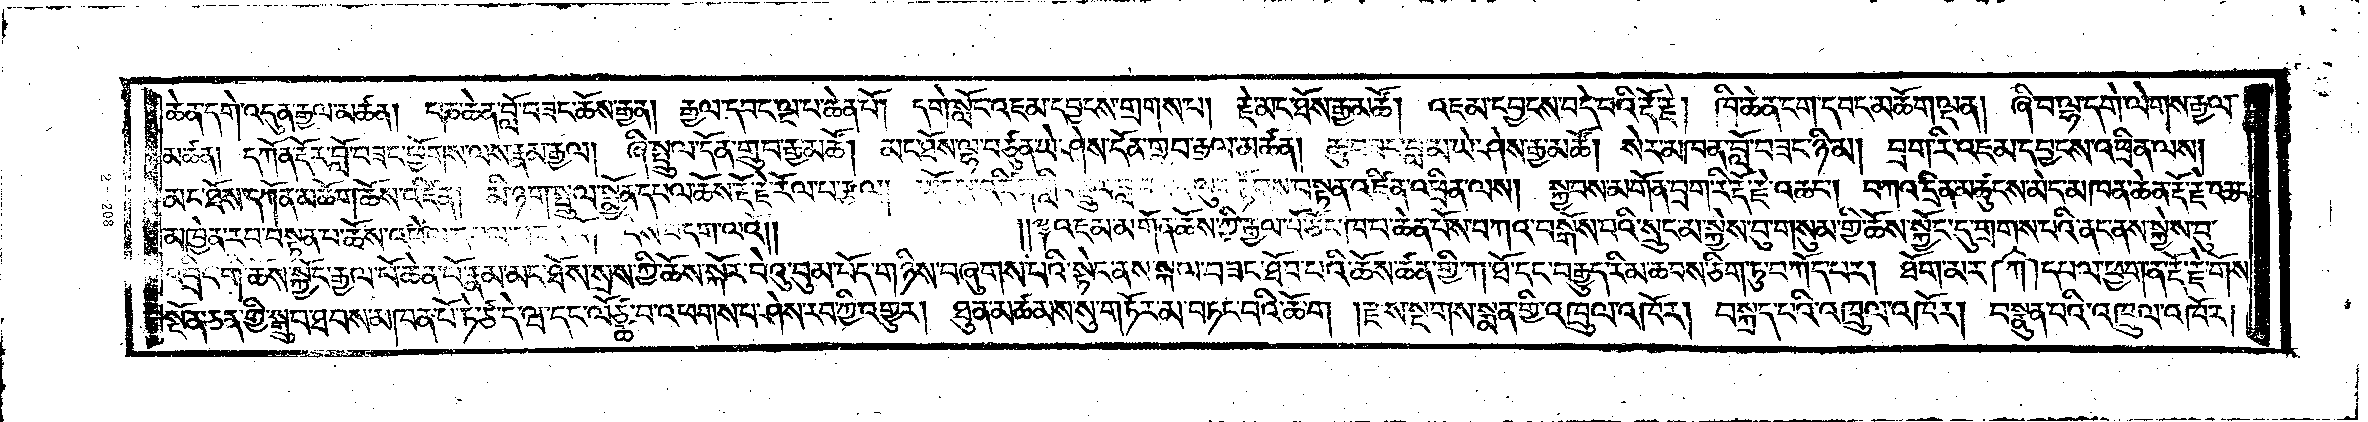ཆེན་དགེ་འདུན་རྒྱལ་མཚན། པཎ་ཆེན་བློ་བཟང་ཆོས་རྒྱན། རྒྱལ་དབང་ལྔ་པ་ཆེན་པོ། དགེ་སློང་འཇམ་དབྱངས་གྲགས་པ། རྗེ་མང་ཐོས་རྒྱ་མཚོ། འཇམ་དབྱངས་བདེ་བའི་རྡོ་རྗེ། ཁྲི་ཆེན་ངག་དབང་མཆོད་ལྡན། ཞི་བ་ལྷ་དགེ་ལེགས་རྒྱལ་
མཚན། དཀོན་རྡོར་བློ་བཟང་ཕྱོགས་ལས་རྣམ་རྒྱལ། ཞི་སྤྲུལ་དོན་གྲུབ་རྒྱ་མཚོ། མང་ཐོས་ལྷ་བཙུན་ཡེ་ཤེས་དོན་གྲུབ་རྒྱལ་མཚན། ཆུ་བཟང་བླ་མ་ཡེ་ཤེས་རྒྱ་མཚོ། སེར་མཁན་བློ་བཟང་ཡི་མ། བྲག་རི་འཇམ་དབྱངས་འཕྲིན་ལས་
མང་ཐོས་དཀོན་མཆོག་ཆོས་འཛིན། མི་ཉག་སྤྲུལ་སྨྱོན་དཔལ་ཆོས་རྡོ་རྗེ་རོལ་པ་རྩལ། ཡོངས་འཛིན་བླིང་སྤྲུལ་བློ་བཟང་ལུང་རྟོགས་བསྟན་འཛིན་འཕྲིན་ལས། སྐྱབས་མགོན་བྲག་རི་རྡོ་རྗེ་འཆང་། བཀའ་དྲིན་མཚུགས་མེད་མཁན་ཆེན་རྡོ་རྗེ་འཆང་
མཁྱེན་རབ་བསྟན་པ་ཆོས་འཕེལ་དཔལ་བཟང་པའོ། དེས་བདག་ལའོ།། །།འཇམ་མགོན་ཆོས་ཀྱི་རྒྱལ་པོ་ཙོང་ཁ་པ་ཆེན་པོས་བཀའ་བསྒོས་པའི་སྲུང་མ་སྐྱེས་བུ་གསུམ་གྱི་ཆོ་སྐྱོང་དུག་རགས་པའི་ནང་ན་སྐྱེས་བུ་
འབྲིང་གི་ཆོས་སྐྱོང་རྒྱལ་པོ་ཆེན་པོ་རྣམས་མང་ཐོས་སྲས་ཀྱི་ཆོས་སྐོར་བེའུ་བུམ་བོད་གཉིས་བཞུགས་པའི་སྟེང་ན་སྐལ་བཟང་ཐོབ་པའི་ཆོས་ཚན་གྱི་ཀ་ཐོ་དང་བརྒྱུད་རིམ་ཆབས་ཅིག་ཏུ་བཀོད་པར། ཐོག་མར ༼ཀ༽ དཔལ་ཕྱག་ན་རྡོ་རྗེ་གོས་
སྔོན་ཅན་གྱི་སྒྲུབ་ཐབས་མཁན་པོ་ཏེ་ཙ་དེ་ཝ་དང་ལོཙྪ་བ་འཕགས་པ་ཤེས་རབ་ཀྱི་འགྱུར། ཐུན་མཚམས་སུ་གཏོར་མ་བཏང་བའི་ཆོ་ག། །རྫས་སྔགས་སྨན་གྱི་འཁྲུལ་འཁོར། བསྐྲད་པའི་འཁྲུལ་འཁོར། བསྣུན་པའི་འཁྲུལ་འཁོར།